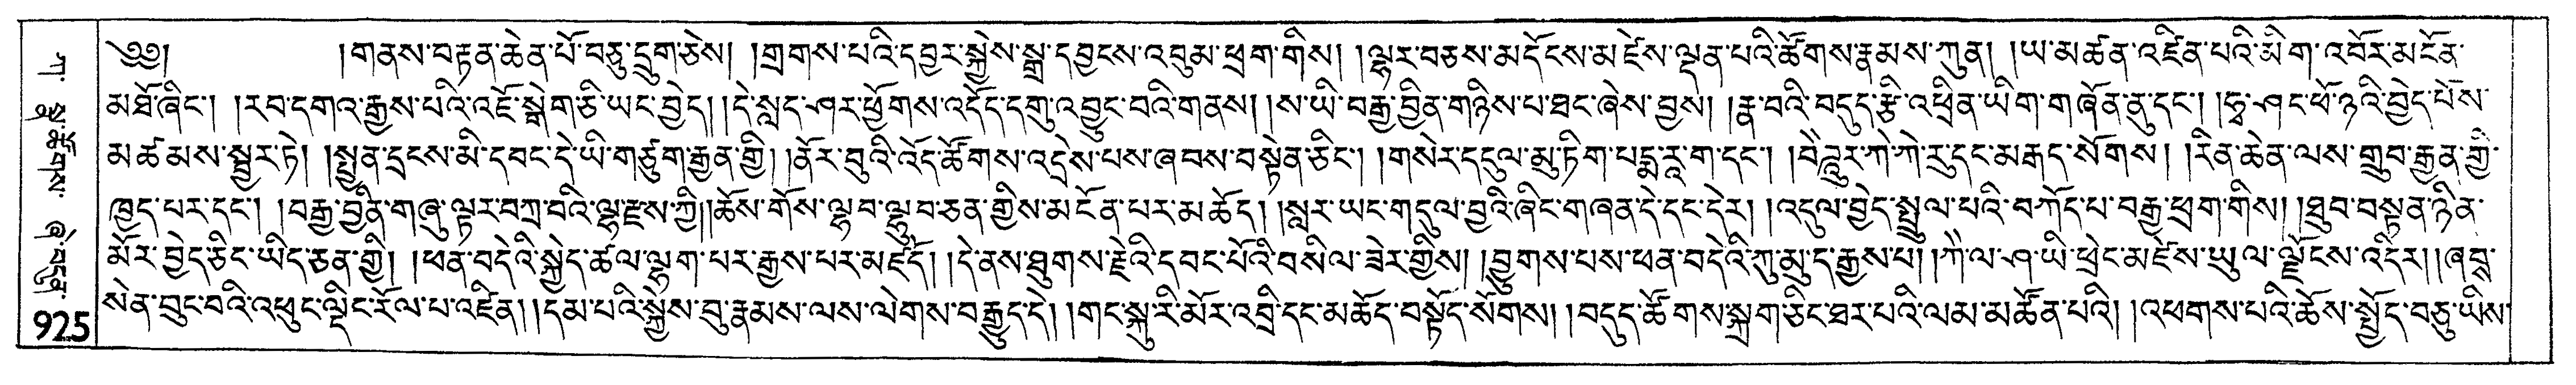༄༅། །གནས་བརྟན་ཆེན་པོ་བཅུ་དྲུག་ཅེས། །གྲགས་པའི་དབྱར་སྐྱེས་སྒྲ་དབྱངས་འབུམ་ཕྲག་གིས། །ལྷར་བཅས་མདོངས་མཛེས་ལྡན་པའི་ཚོགས་རྣམས་ཀུན། །ཡ་མཚན་འཛིན་པའི་མིག་འབོར་མངོན་
མཐོ་ཞིང་། །རབ་དགའ་རྒྱས་པའི་འཇོ་སྒེག་ཅི་ཡང་བྱེད། །དེ་སླད་ཤར་ཕྱོགས་འདོད་དགུ་འབྱུང་བའི་གནས། །ས་ཡི་བརྒྱ་བྱིན་གཉིས་པ་ཐང་ཞེས་བྱས། །རྣ་བའི་བདུད་རྩི་འཕྲིན་ཡིག་གཞོན་ནུ་དང་། །ཧྭ་ཤང་ཕོ་ཉའི་བྱེད་པོས་
མཚམས་སྦྱར་ཏེ། །སྤྱན་དྲངས་མི་དབང་དེ་ཡི་གཙུག་རྒྱན་གྱི། །ནོར་བུའི་འོད་ཚོགས་འདྲེས་པས་ཞབས་བསྟེན་ཅིང་། །གསེར་དངུལ་མུ་ཏིག་པདམ་རཱ་ག་དང་། །བཻཌཱུར་ཀེ་ཀེ་རུ་དང་མྲྒད་སོགས། །རིན་ཆེན་ལས་གྲུབ་རྒྱན་གྱི་
ཁྱད་པར་དང་། །བརྒྱ་བྱིན་གཞུ་ལྟར་བཀྲ་བའི་ལྷ་རྫས་ཀྱི། །ཆོས་གོས་ལྷབ་ལྷུབ་ཅན་གྱིས་མངོན་པར་མཆོད། །སླར་ཡང་གདུལ་བྱའི་ཞིང་གཞན་དེ་དང་དེར། །འདུལ་བྱེད་སྤྲུལ་པའི་བཀོད་པ་བརྒྱ་ཕྲག་གིས། །ཐུབ་བསྟན་ཉིན་
མོར་བྱེད་ཅིང་ཡིད་ཅན་གྱི། །ཕན་བདེའི་སྐྱེད་ཚལ་ལྷག་པར་རྒྱས་པར་མཛོད། །དེ་ནས་ཐུགས་རྗེའི་དབང་པོའི་བསིལ་ཟེར་གྱིས། །བྱུགས་པས་ཕན་བདེའི་ཀུ་མུ་ད་རྒྱས་པ། །ཀཻ་ལ་ཤ་ཡི་ཕྲེང་མཛེས་ཡུལ་ལྗོངས་འདིར། །ཞབས་
སེན་བུང་བའི་འཕུང་ལྡིང་རོལ་པ་འཛིན། །དམ་པའི་སྐྱེས་བུ་རྣམས་ལས་ལེགས་བརྒྱུད་དེ། །གང་སྐུ་རི་མོར་འབྲི་དང་མཆོད་བསྟོད་སོགས། །བདུད་ཚོགས་སྐྲག་ཅིང་ཐར་པའི་ལམ་མཚོན་པའི། །འཕགས་པའི་ཆོས་སྤྱོད་བཅུ་ཡིས་